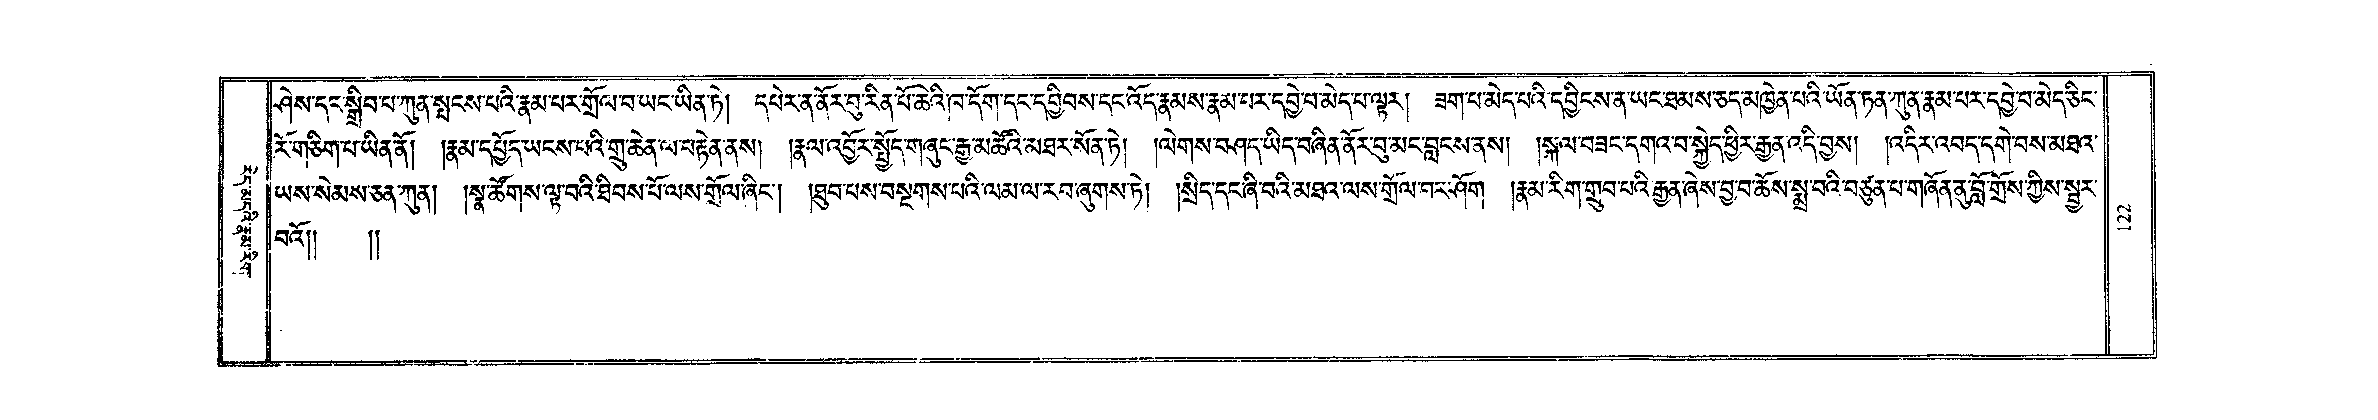ཤེས་དང་སྒྲིབ་པ་ཀུན་སྤངས་པའི་རྣམ་པར་གྲོལ་བ་ཡང་ཡིན་ཏེ། དཔེར་ན་ནོར་བུ་རིན་པོ་ཆེའི་ཁ་དོག་དང་དབྱིབས་དང་འོད་རྣམས་རྣམ་པར་དབྱེ་བ་མེད་པ་ལྟར། ཟག་པ་མེད་པའི་དབྱིངས་ན་ཡང་ཐམས་ཅད་མཁྱེན་པའི་ཡོན་ཏན་ཀུན་རྣམ་པར་དབྱེ་བ་མེད་ཅིང་
རོ་གཅིག་པ་ཡིན་ནོ། །རྣམ་དཔྱོད་ཡངས་པའི་གྲུ་ཆེན་ལ་བརྟེན་ནས། །རྣལ་འབྱོར་སྤྱོད་གཞུང་རྒྱ་མཚོའི་མཐར་སོན་ཏེ། །ལེགས་བཤད་ཡིད་བཞིན་ནོར་བུ་མང་བླངས་ནས། །སྐལ་བཟང་དགའ་བ་སྐྱེད་ཕྱིར་རྒྱན་འདི་བྱས། །འདིར་འབད་དགེ་བས་མཐའ་
ཡས་སེམས་ཅན་ཀུན། །སྣ་ཚོགས་ལྟ་བའི་ཐིབས་པོ་ལས་གྲོལ་ཞིང་། །ཐུབ་པས་བསྔགས་པའི་ལམ་ལ་རབ་ཞུགས་ཏེ། །སྲིད་དང་ཞི་བའི་མཐའ་ལས་གྲོལ་བར་ཤོག །རྣམ་རིག་གྲུབ་པའི་རྒྱན་ཞེས་བྱ་བ་ཆོས་སྨྲ་བའི་བཙུན་པ་གཞོན་ནུ་བློ་གྲོས་ཀྱིས་སྦྱར་བའོ།། །།